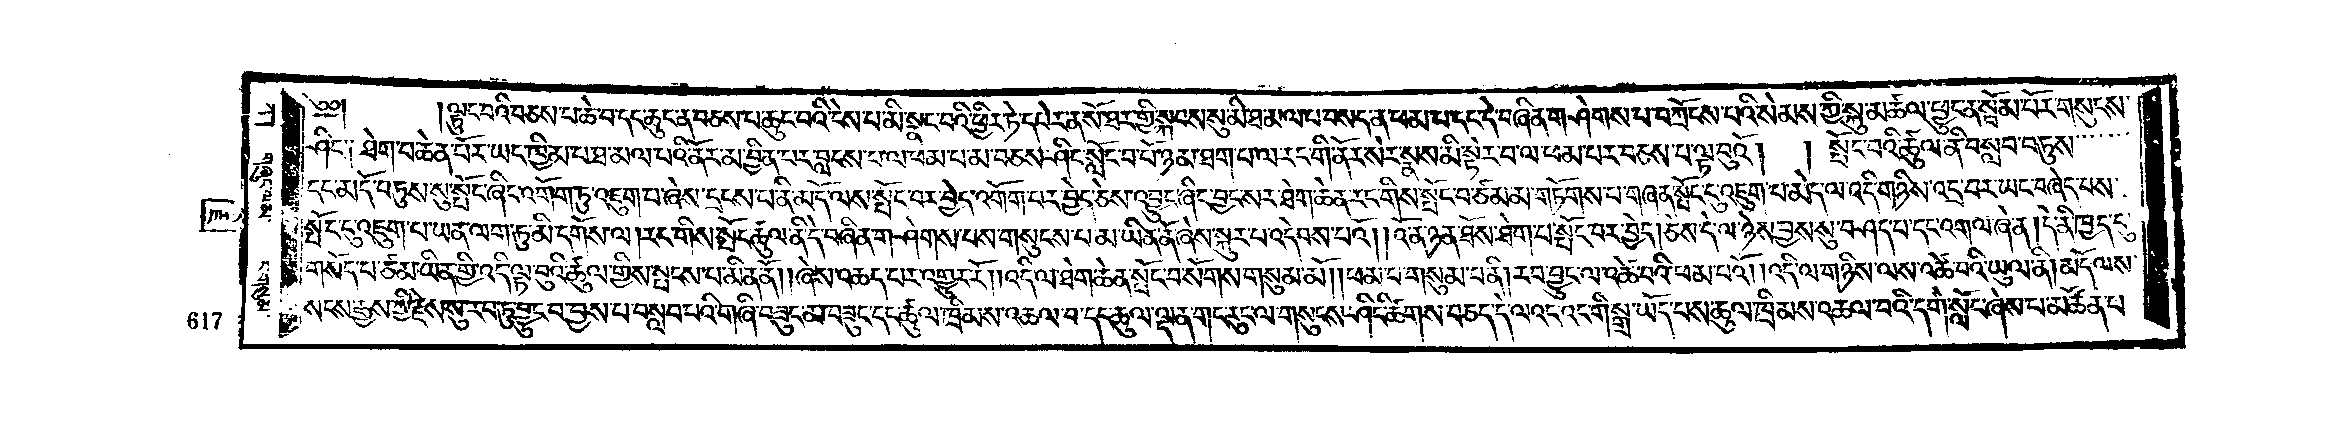༄༅། །ལྟུང་བའི་བཅས་པ་ཆེ་བ་དང་ཆུང་ན་བཅས་པ་ཆུང་བའི་ངེས་པ་མི་སྣང་བའི་ཕྱིར་ཏེ་དཔེར་ན་སོ་ཐར་གྱི་སྐབས་སུ་མི་ཐ་མལ་པ་བསད་ན་ཕམ་པ་དང་དེ་བཞིན་གཤེགས་པ་བཀྲོངས་པའི་སེམས་ཀྱི་སྐུ་མཚལ་ཕྱུང་ན་སྦོམ་པོར་གསུངས་
ཤིང༑ ཐེག་པ་ཆེན་པོར་ཡང་ཁྱིམ་པ་ཐ་མལ་པའི་ནོར་མ་བྱིན་པར་བླངས་པ་ལ་ཕམ་པ་མ་བཅས་ཤིང་སློང་བ་པོ་ཉམ་ཐག་པ་ལ་རང་གི་ནོར་སེར་སྣས་མི་སྟེར་བ་ལ་ཕམ་པར་བཅས་པ་ལྟ་བུའོ། །སྤོང་བའི་ཚུལ་ནི་བསླབ་བཏུས་
དང་མདོ་བཏུས་སུ་སྤོང་ཞིང་འགོག་ཏུ་འཇུག་པ་ཞེས་དྲངས་པ་ནི་མདོ་ལས་སྤོང་བར་བྱེད་འགོག་པར་བྱེད་ཅེས་འབྱུང་ཞིང་བྱང་སར་ཐེག་ཆེན་རང་གིས་སྤོང་བ་ཙམ་མ་གཏོགས་པ་གཞན་སྤོང་དུ་འཇུག་པ་མེད་ལ་འདི་གཉིས་འདྲ་བར་ཡང་བཞེད་པས་
སྤོང་དུ་འཇུག་པ་ཡན་ལག་ཏུ་མི་དགོས་ལ། རང་གིས་སྤོང་ཚུལ་ནི་དེ་བཞིན་གཤེགས་པས་གསུངས་པ་མ་ཡིན་ནོ་ཞེས་སྐུར་པ་འདེབས་པའོ། །འོ་ན་ཉན་ཐོས་ཐེག་པ་སྤོང་བར་བྱེད། ཅེས་དེ་ལ་ཉེས་བྱས་སུ་བཤད་པ་དང་འགལ་ཞེ་ན། དེ་ནི་ཁྱད་དུ་
གསོད་པ་ཙམ་ཡིན་གྱི་འདི་ལྟ་བུའི་ཚུལ་གྱིས་སྤངས་པ་མིན་ནོ། །ཞེས་འཆད་པར་འགྱུར་རོ། །འདི་ལ་ཐེག་ཆེན་སྤོང་བ་སོགས་གསུམ་མོ། །ཕམ་པ་གསུམ་པ་ནི། རབ་བྱུང་ལ་འཚེ་བའི་ཕམ་པའོ། །འདི་ལ་གཉིས་ལས་འཚེ་བའི་ཡུལ་ནི། མདོ་ལས་
སངས་རྒྱས་ཀྱི་རྗེས་སུ་རབ་ཏུ་བྱུང་བ་བྱས་པ་བསླབ་པའི་གཞི་བཟུང་མ་བཟུང་དང་ཚུལ་ཁྲིམས་འཆལ་བ་དང་ཚུལ་ལྡན་གང་རུང་ལ་གསུངས་ཤིང་ཚིགས་བཅད་དེ་ལའང་འང་གི་སྒྲ་ཡོད་པས་ཚུལ་ཁྲིམས་འཆལ་བའི་དགེ་སློང་ཞེས་པ་མཚོན་པ་